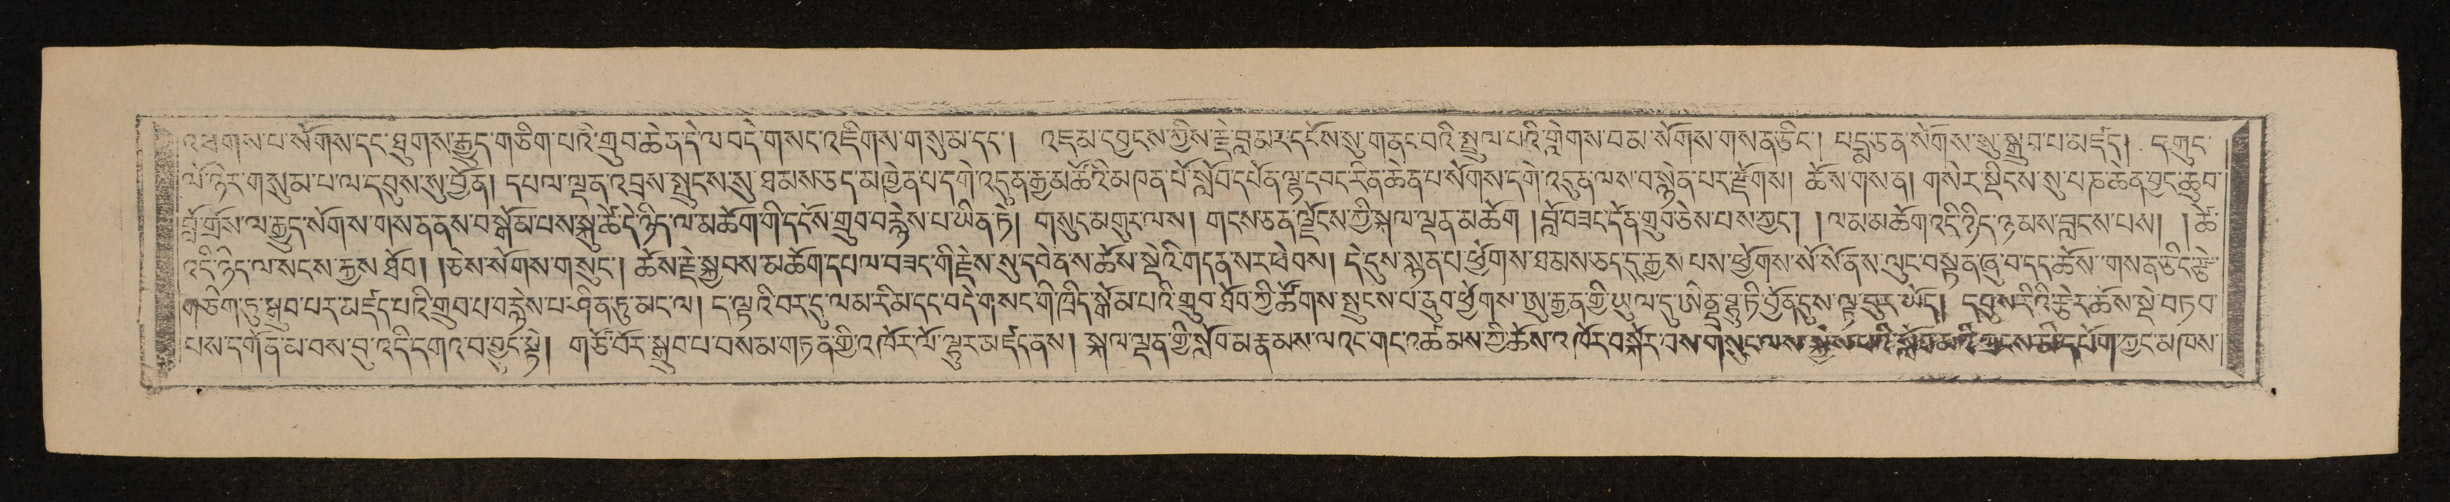འཕགས་པ་སོགས་དང་ཐུགས་རྒྱུད་གཅིག་པའི་གྲུབ་ཆེན་དེ་ལ་བདེ་གསང་འཇིགས་གསུམ་དང་། འཇམ་དབྱངས་ཀྱིས་རྗེ་བླ་མར་དངོས་སུ་གནང་བའི་སྤྲུལ་བའི་གླེགས་བམ་སོགས་གསན་ཅིང་། པདམ་ཅན་སོགས་སུ་སྒྲུབ་པ་མཛད། དགུ་
ལོ་ཉེར་གསུམ་པ་ལ་དབུས་སུ་བྱོན། དཔལ་ལྡན་འབྲས་སྤུངས་སུ་ཐམས་ཅད་མཁྱེན་པ་དགེ་འདུན་རྒྱ་མཚོའི་མཁན་པོ་སློབ་དཔོན་ལྷ་དབང་རིན་ཆེན་པ་སོགས་དགེ་འདུན་ལས་བསྙེན་པར་རྫོགས། ཆོས་གསན། གསེར་སྡིངས་སུ་པཎ་ཆེན་བྱང་ཆུབ་
བློ་གྲོས་ལ་རྒྱུད་སོགས་གསན་ནས་བསྒོམ་པས་སྐུ་ཚེ་དེ་ཉིད་ལ་མཆོག་གི་དངོས་གྲུབ་བརྙེས་པ་ཡིན་ཏེ། གསུང་མགུར་ལས། གངས་ཅན་ལྗོངས་ཀྱི་སྐལ་ལྡན་མཆོག །བློ་བཟང་དོན་གྲུབ་ཅེས་པས་ཀྱང་། །ལམ་མཆོག་འདི་ཉིད་ཉམས་བླངས་པས། །ཚེ་
འདི་ཉིད་ལ་སངས་རྒྱས་ཐོབ། །ཅེས་སོགས་གསུང་། ཆོས་རྗེ་སྐྱབས་མཆོག་དཔལ་བཟང་གི་རྗེས་སུ་དཔེན་ས་ཆོས་སྡེའི་གདན་སར་ཕེབས། དེ་དུས་སྙན་པ་ཕྱོགས་ཐམས་ཅད་དུ་རྒྱས་པས་ཕྱོགས་སོ་སོ་ནས་ལུང་བསྟན་ཞུ་བ་དང་ཆོས་གསན་ཅིང་རྩེ་
གཅིག་ཏུ་སྒྲུབ་པར་མཛད་པའི་གྲུབ་པ་བརྙེས་པ་ཤིན་ཏུ་མང་ལ། ད་ལྟའི་བར་དུ་ལམ་རིམ་དང་བདེ་གསང་གི་ཁྲིད་སྒོམ་པའི་གྲུབ་ཐོབ་ཀྱི་ཚོགས་སྤུངས་པ་ནུབ་ཕྱོགས་ཨུ་རྒྱན་གྱི་ཡུལ་དུ་ཨིནྡྲ་བྷུ་ཏི་བྱོན་དུས་ལྟ་བུར་ཡོད། དབུས་རིའི་རྩེར་ཆོས་སྡེ་བཏབ་
པས་དགོན་མ་བས་བུ་འདི་དགའ་བ་བྱུང་སྟེ། གཙོ་བོར་སྒྲུབ་པ་བསམ་གཏན་གྱི་འཁོར་ལོ་ལྷུར་མཛད་ནས། སྐལ་ལྡན་གྱི་སློབ་མ་རྣམས་ལའང་གང་འཚམས་ཀྱི་ཆོས་འཁོར་བསྐོར་བས་གསུང་ལས་སྐྱེས་པའི་སློབ་མའི་གྲངས་མི་དཔོག་ཀྱང་མཁས་